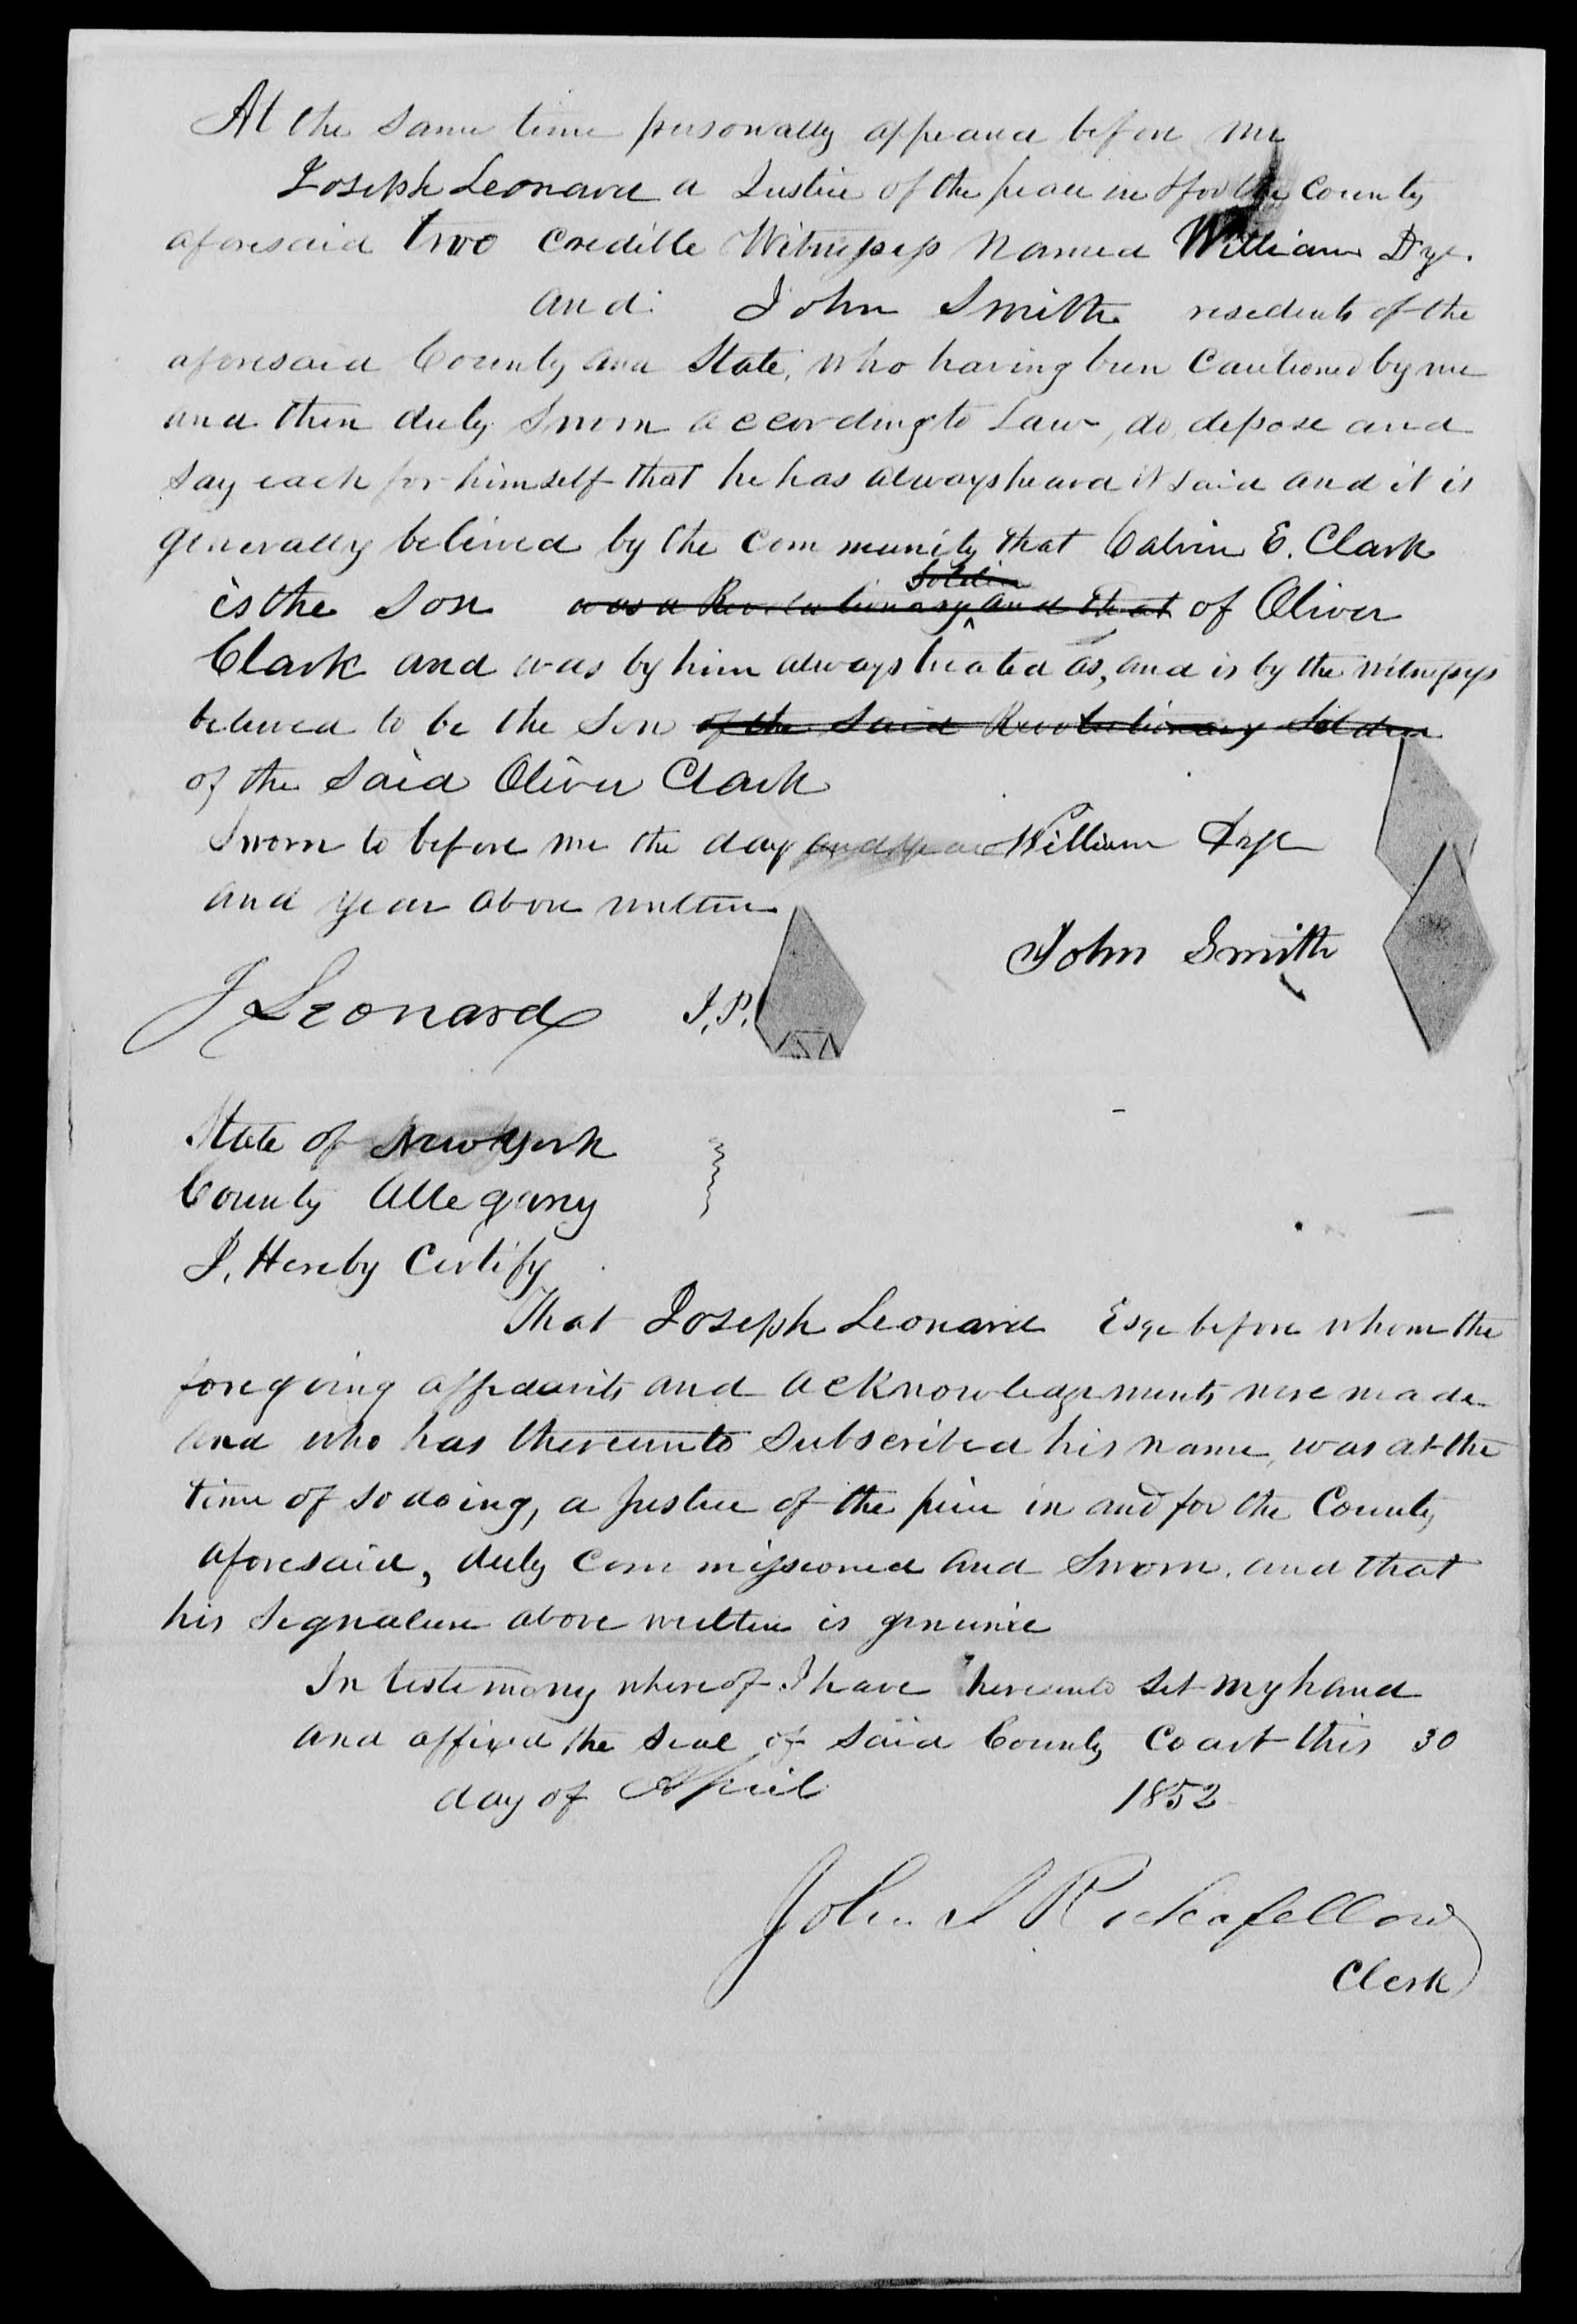[handwritten]
At the same time personally appeared before me Joseph Leonard a Justice of the Peace in and for the county aforesaid two credible witnesses named William Dye. and John Smith residents of the aforesaid County and State, who having been cautioned by me and then duly sworn according to law, do depose and say each for himself that he has always heard it said and it is generally believed by the community that Calvin E. Clark States is the Son of Oliver Clark and was by him always treated as, and is by the witnesses believed to be the Son of the Said Oliver Clark
[signed] William Dye
[signed] John Smith
Sworn to before me the day and year above written
[signed]
J Leonard J.P. 

State of New York}
County Allegany}
 I, hereby certify That Joseph Leonard Esq before whom the foregoing affidavits and acknowledgements were made and who has thereunto subscribed his name was at the time of so doing, a Justice of the Peace in and for the County aforesaid, duly commissioned and Sworn. and that his Signature above written in genuine.
In testimony whereof I have hereunto Set my hand and affixed the Seal of Said County Court this 30 day of April 1853
[signed]
John I Rockafellow
Clerk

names: Calvin E Clark, William Dye, J Leonard, John I Rockafellow, John Smith, William Dye, Oliver Clark, Oliver Clark, Joseph Leonard, Joseph Leonard, John Smith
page: 9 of 51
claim: widow's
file: W. 23816, Oliver Clark, Conn.